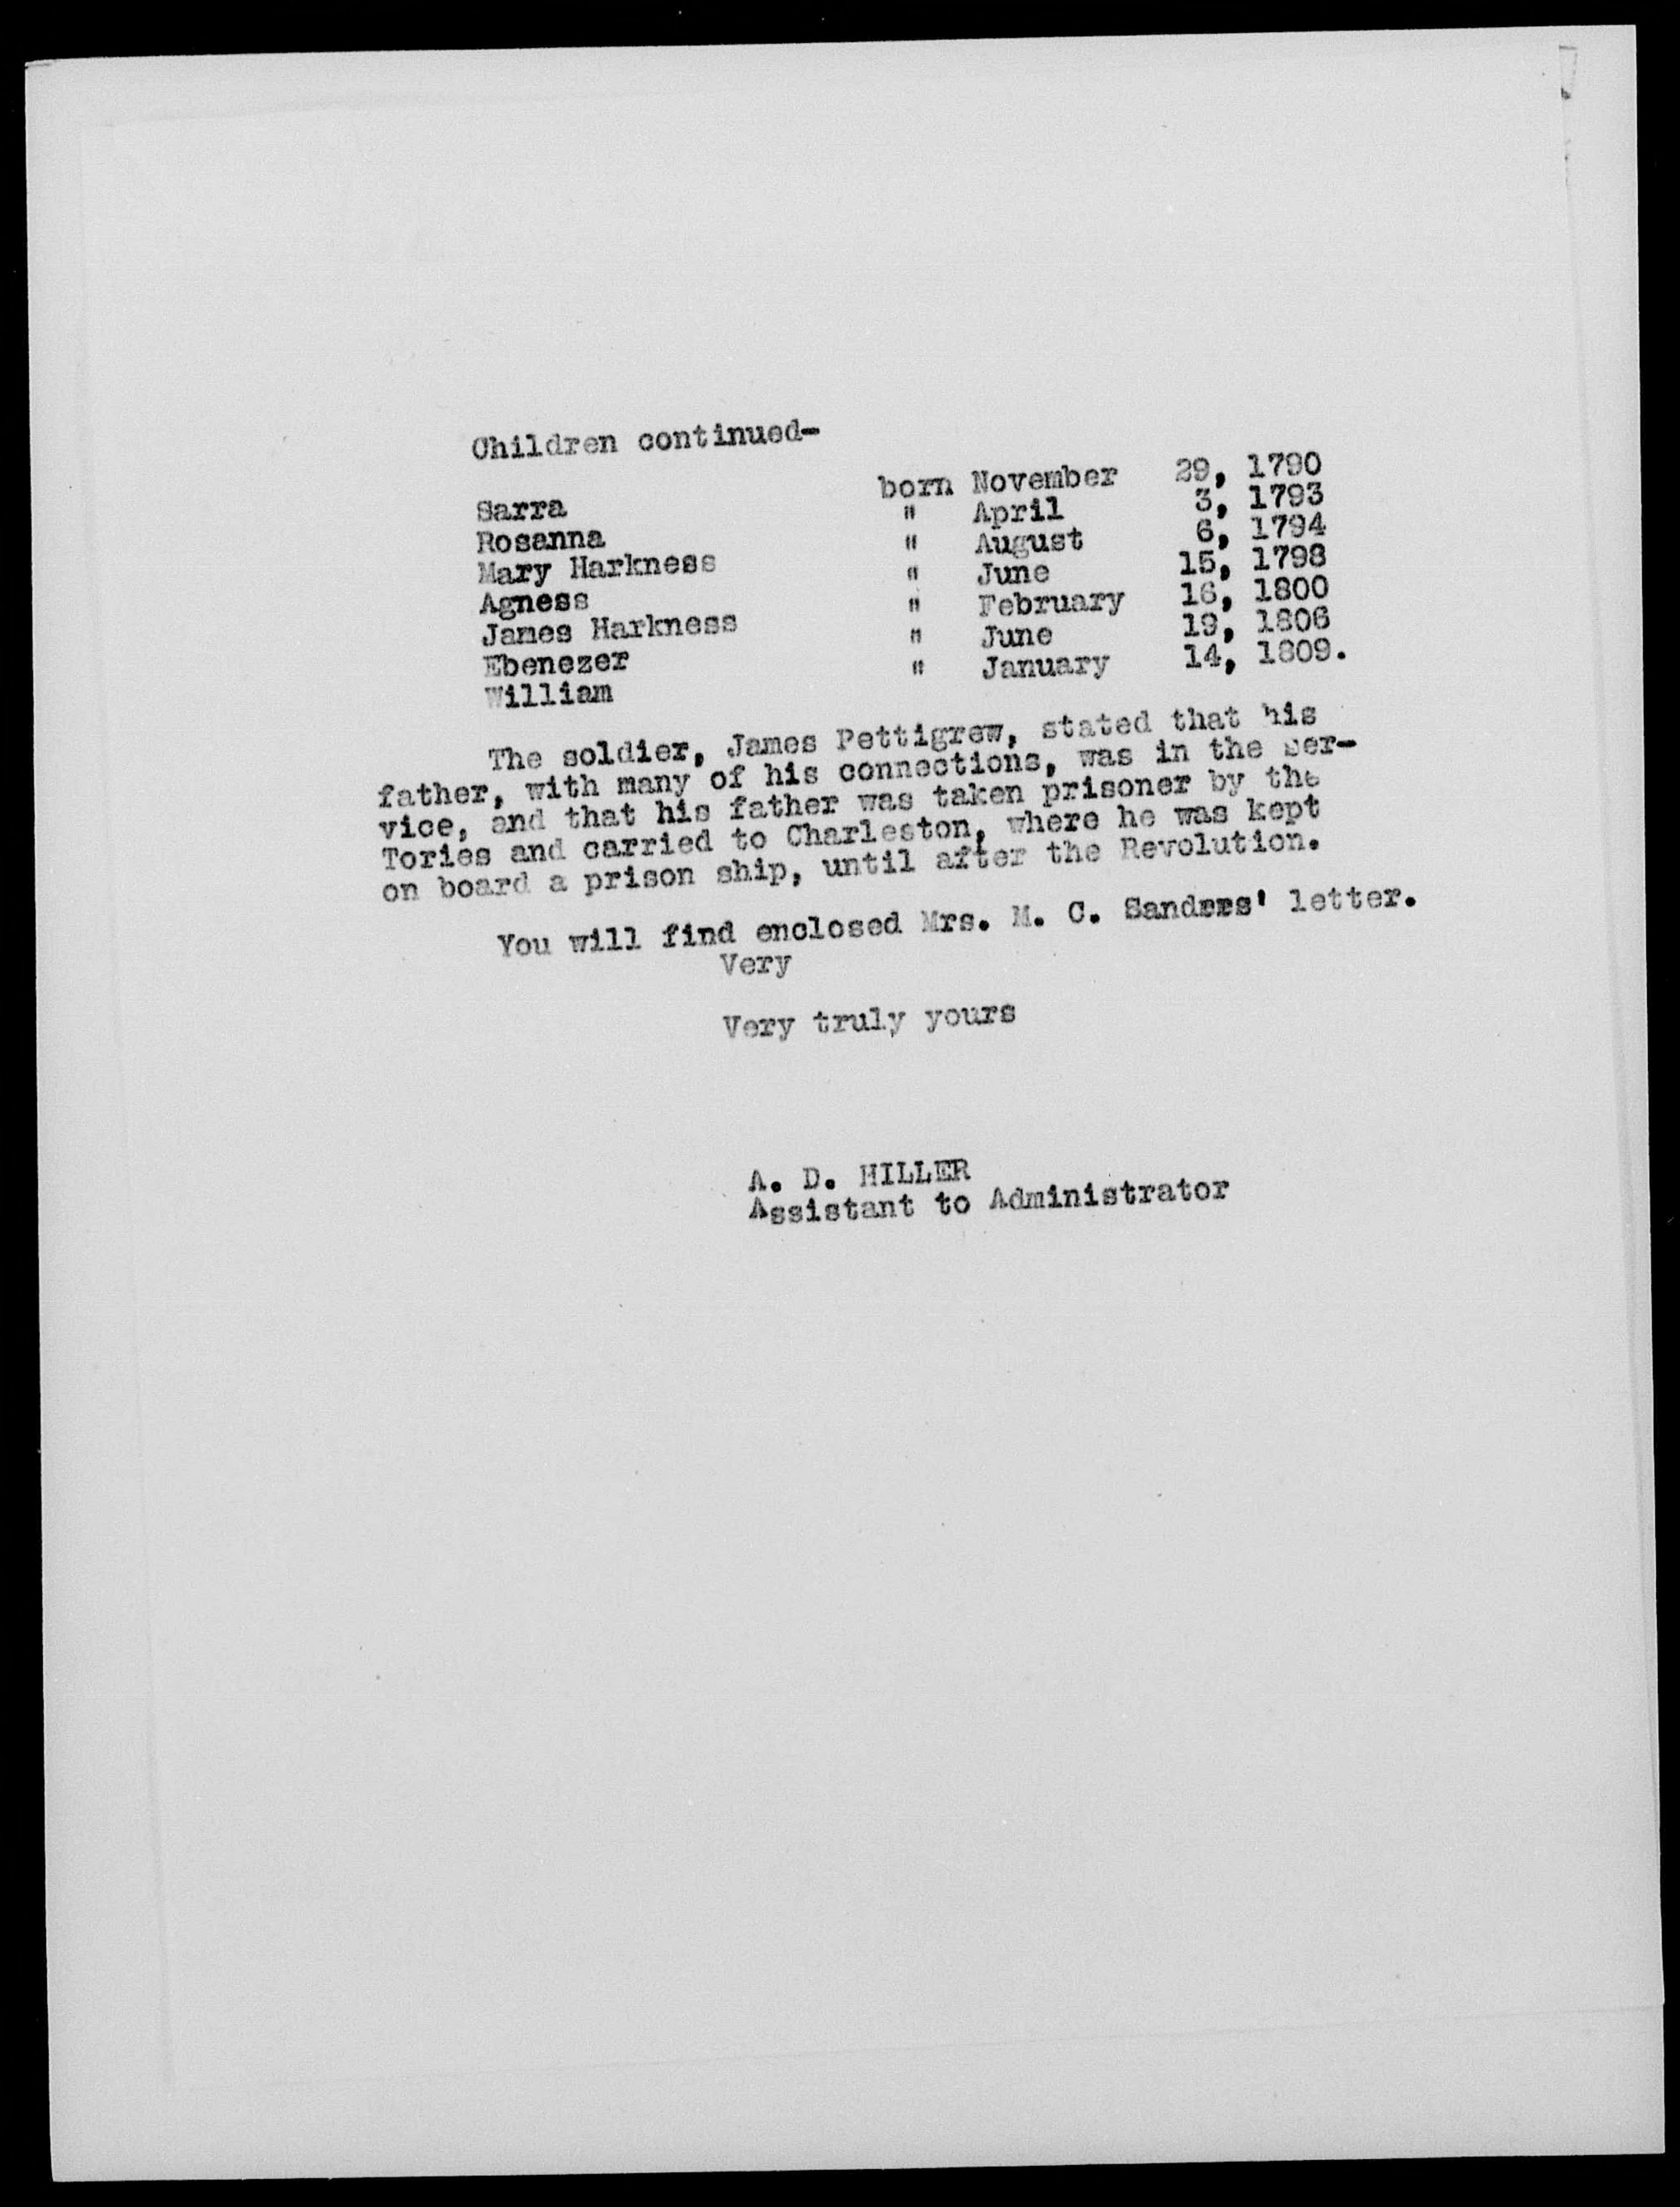Children continued-
Sarra born November 29, 1790
Rosanna [ditto mark] April 3, 1793
Mary Harkness [ditto mark] August 6, 1794
Agness [ditto mark] June 15, 1798
James Harkness [ditto mark] February 16, 1800
Ebenezer [ditto mark] June 19, 1806
William [ditto mark] January 14, 1809.
The soldier, James Pettigrew, stated that his father, with many of his connections, was in the service, and that his father was taken prisoner by the Tories and carried to Charleston, where he was kept on board a prison ship, until after the Revolution.
You will find enclosed Mrs. M. C. Sanders' letter.
Very
Very truly yours

A. D. HILLER
Assistant to Administrator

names: M C Sanders; Sarra [BLANK]; Rosanna [BLANK]; William [BLANK]; Mary Harkness [BLANK]; Agness [BLANK]; James Harkness [BLANK]; James Pettigrew; Ebenezer [BLANK]; A D Hiller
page: 82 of 92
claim: widow's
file: W. 5522, for James Pettigrew, South Carolina